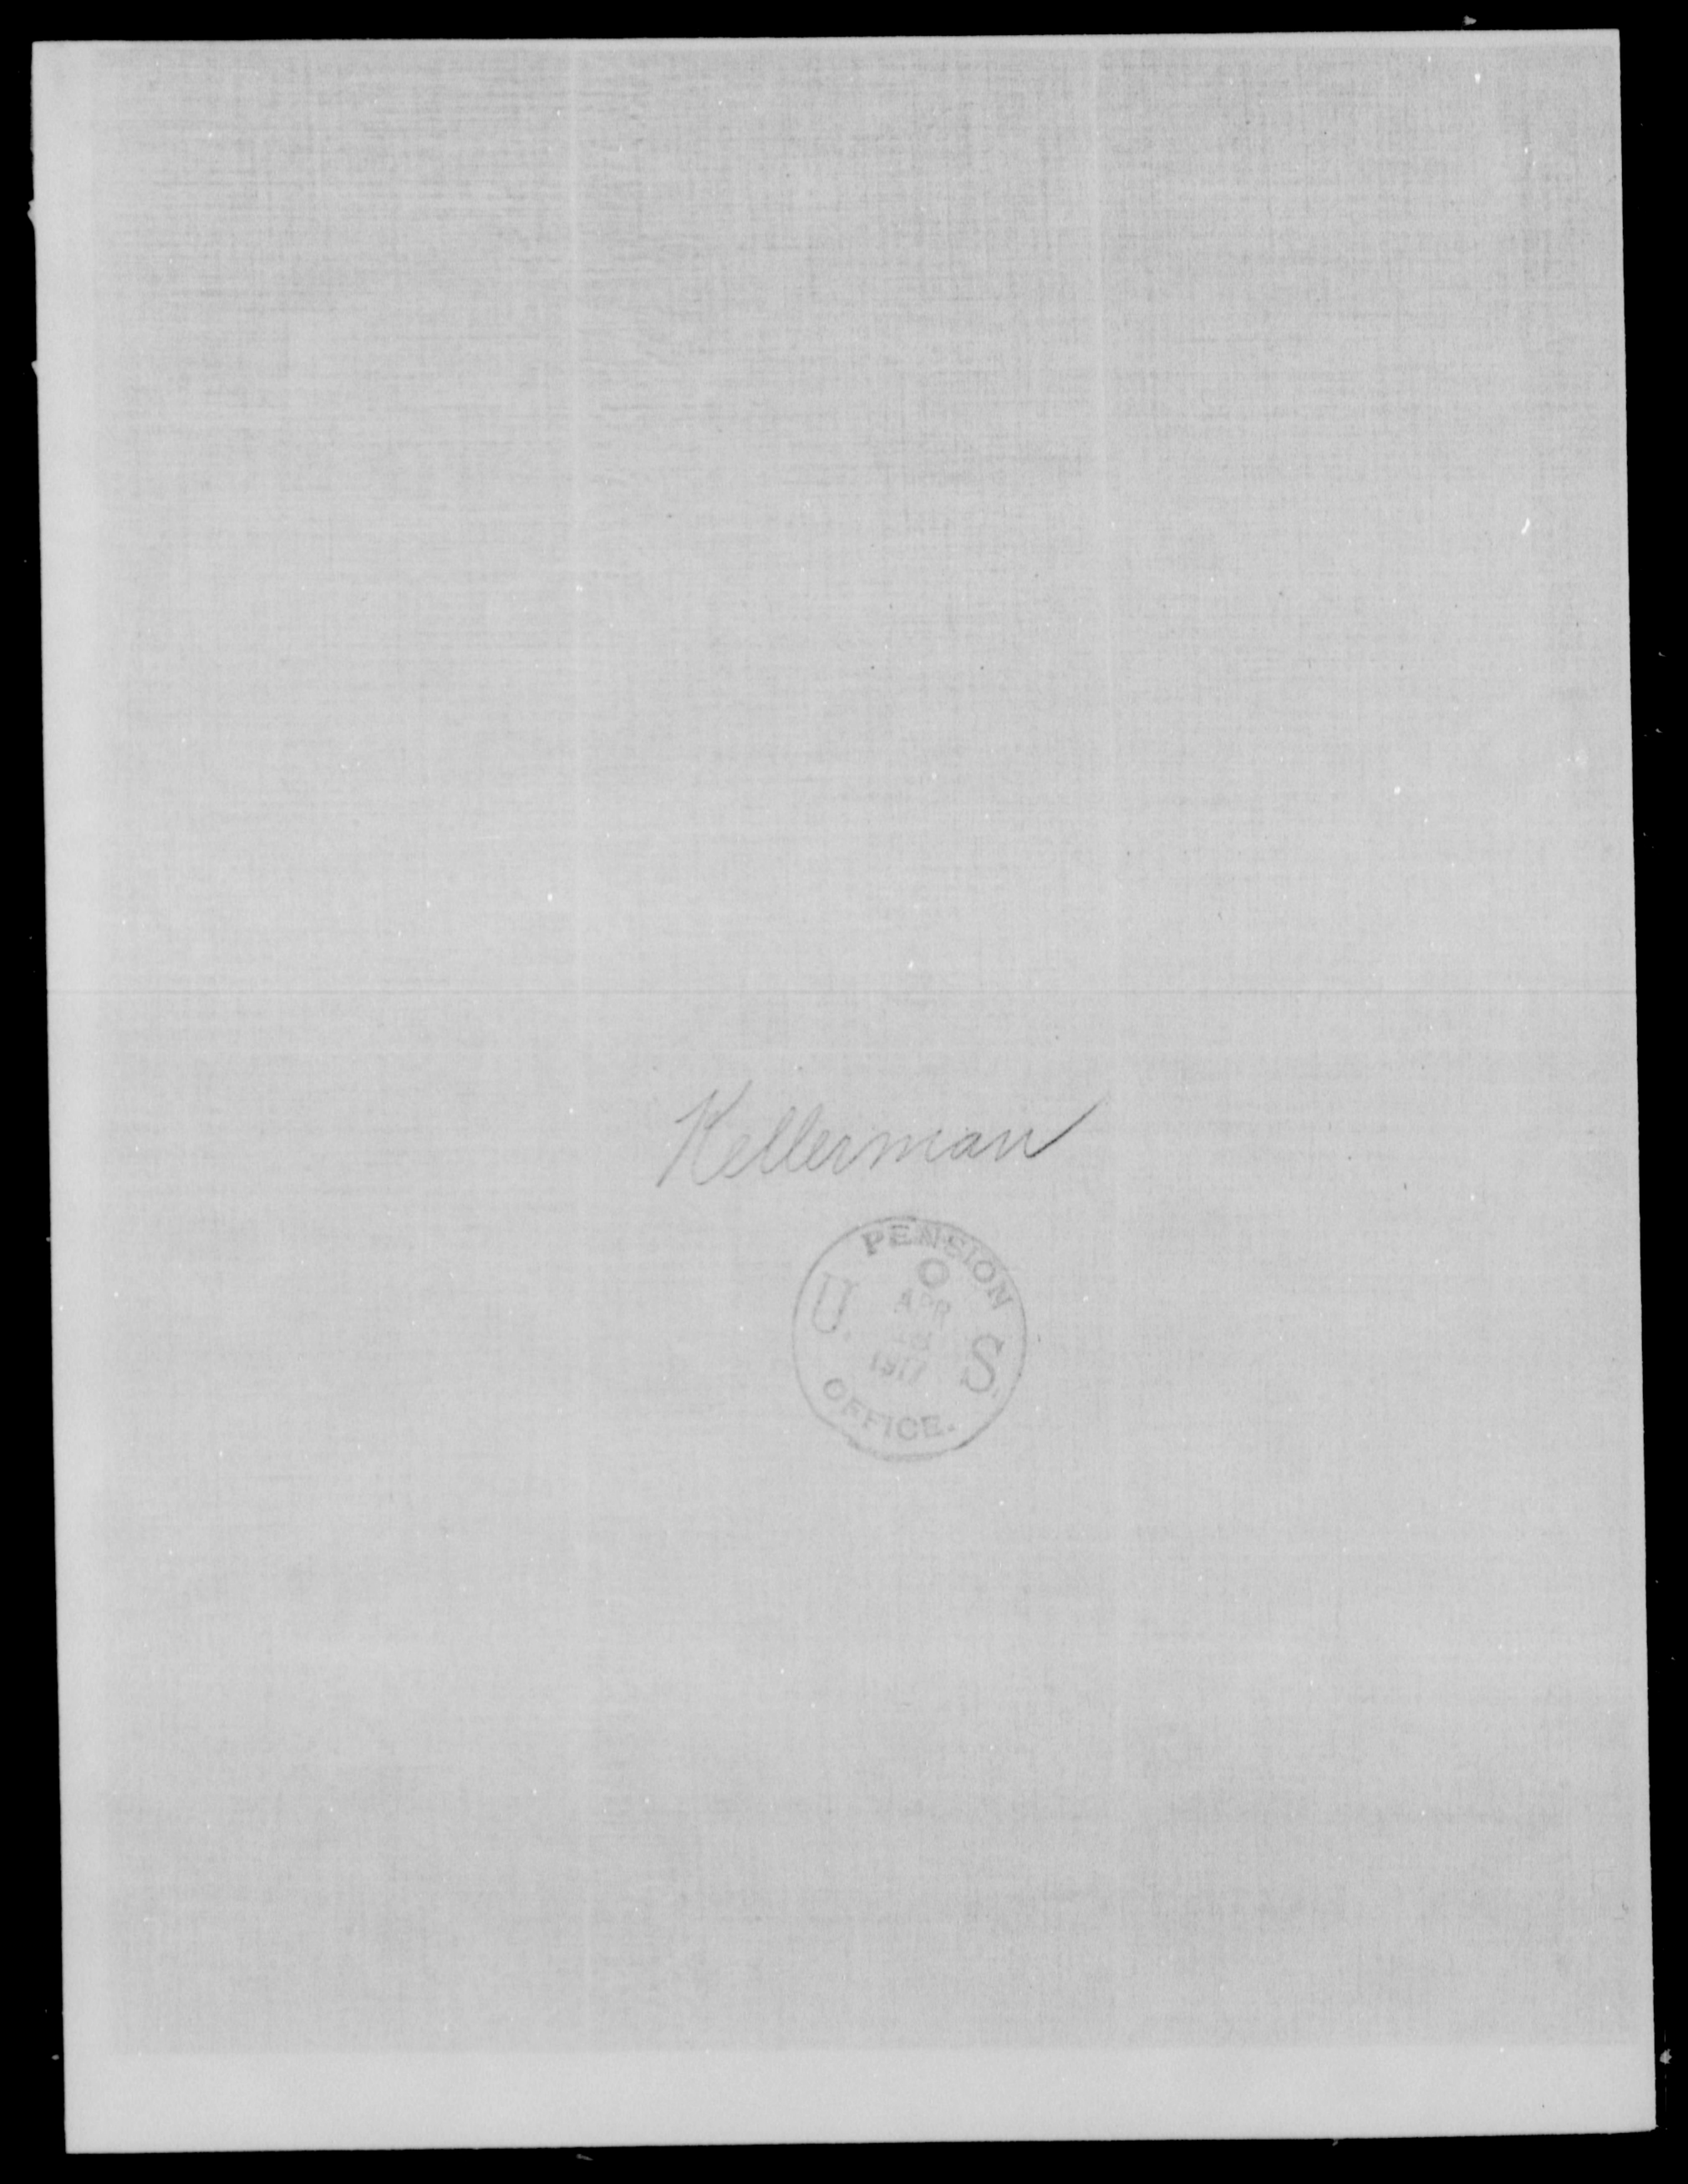Kellerman
Seal of U S Pension Office
April 28 1917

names: [BLANK] Kellerman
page: 49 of 52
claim: rejected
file: R. 9493, for George Sherman, Vermont